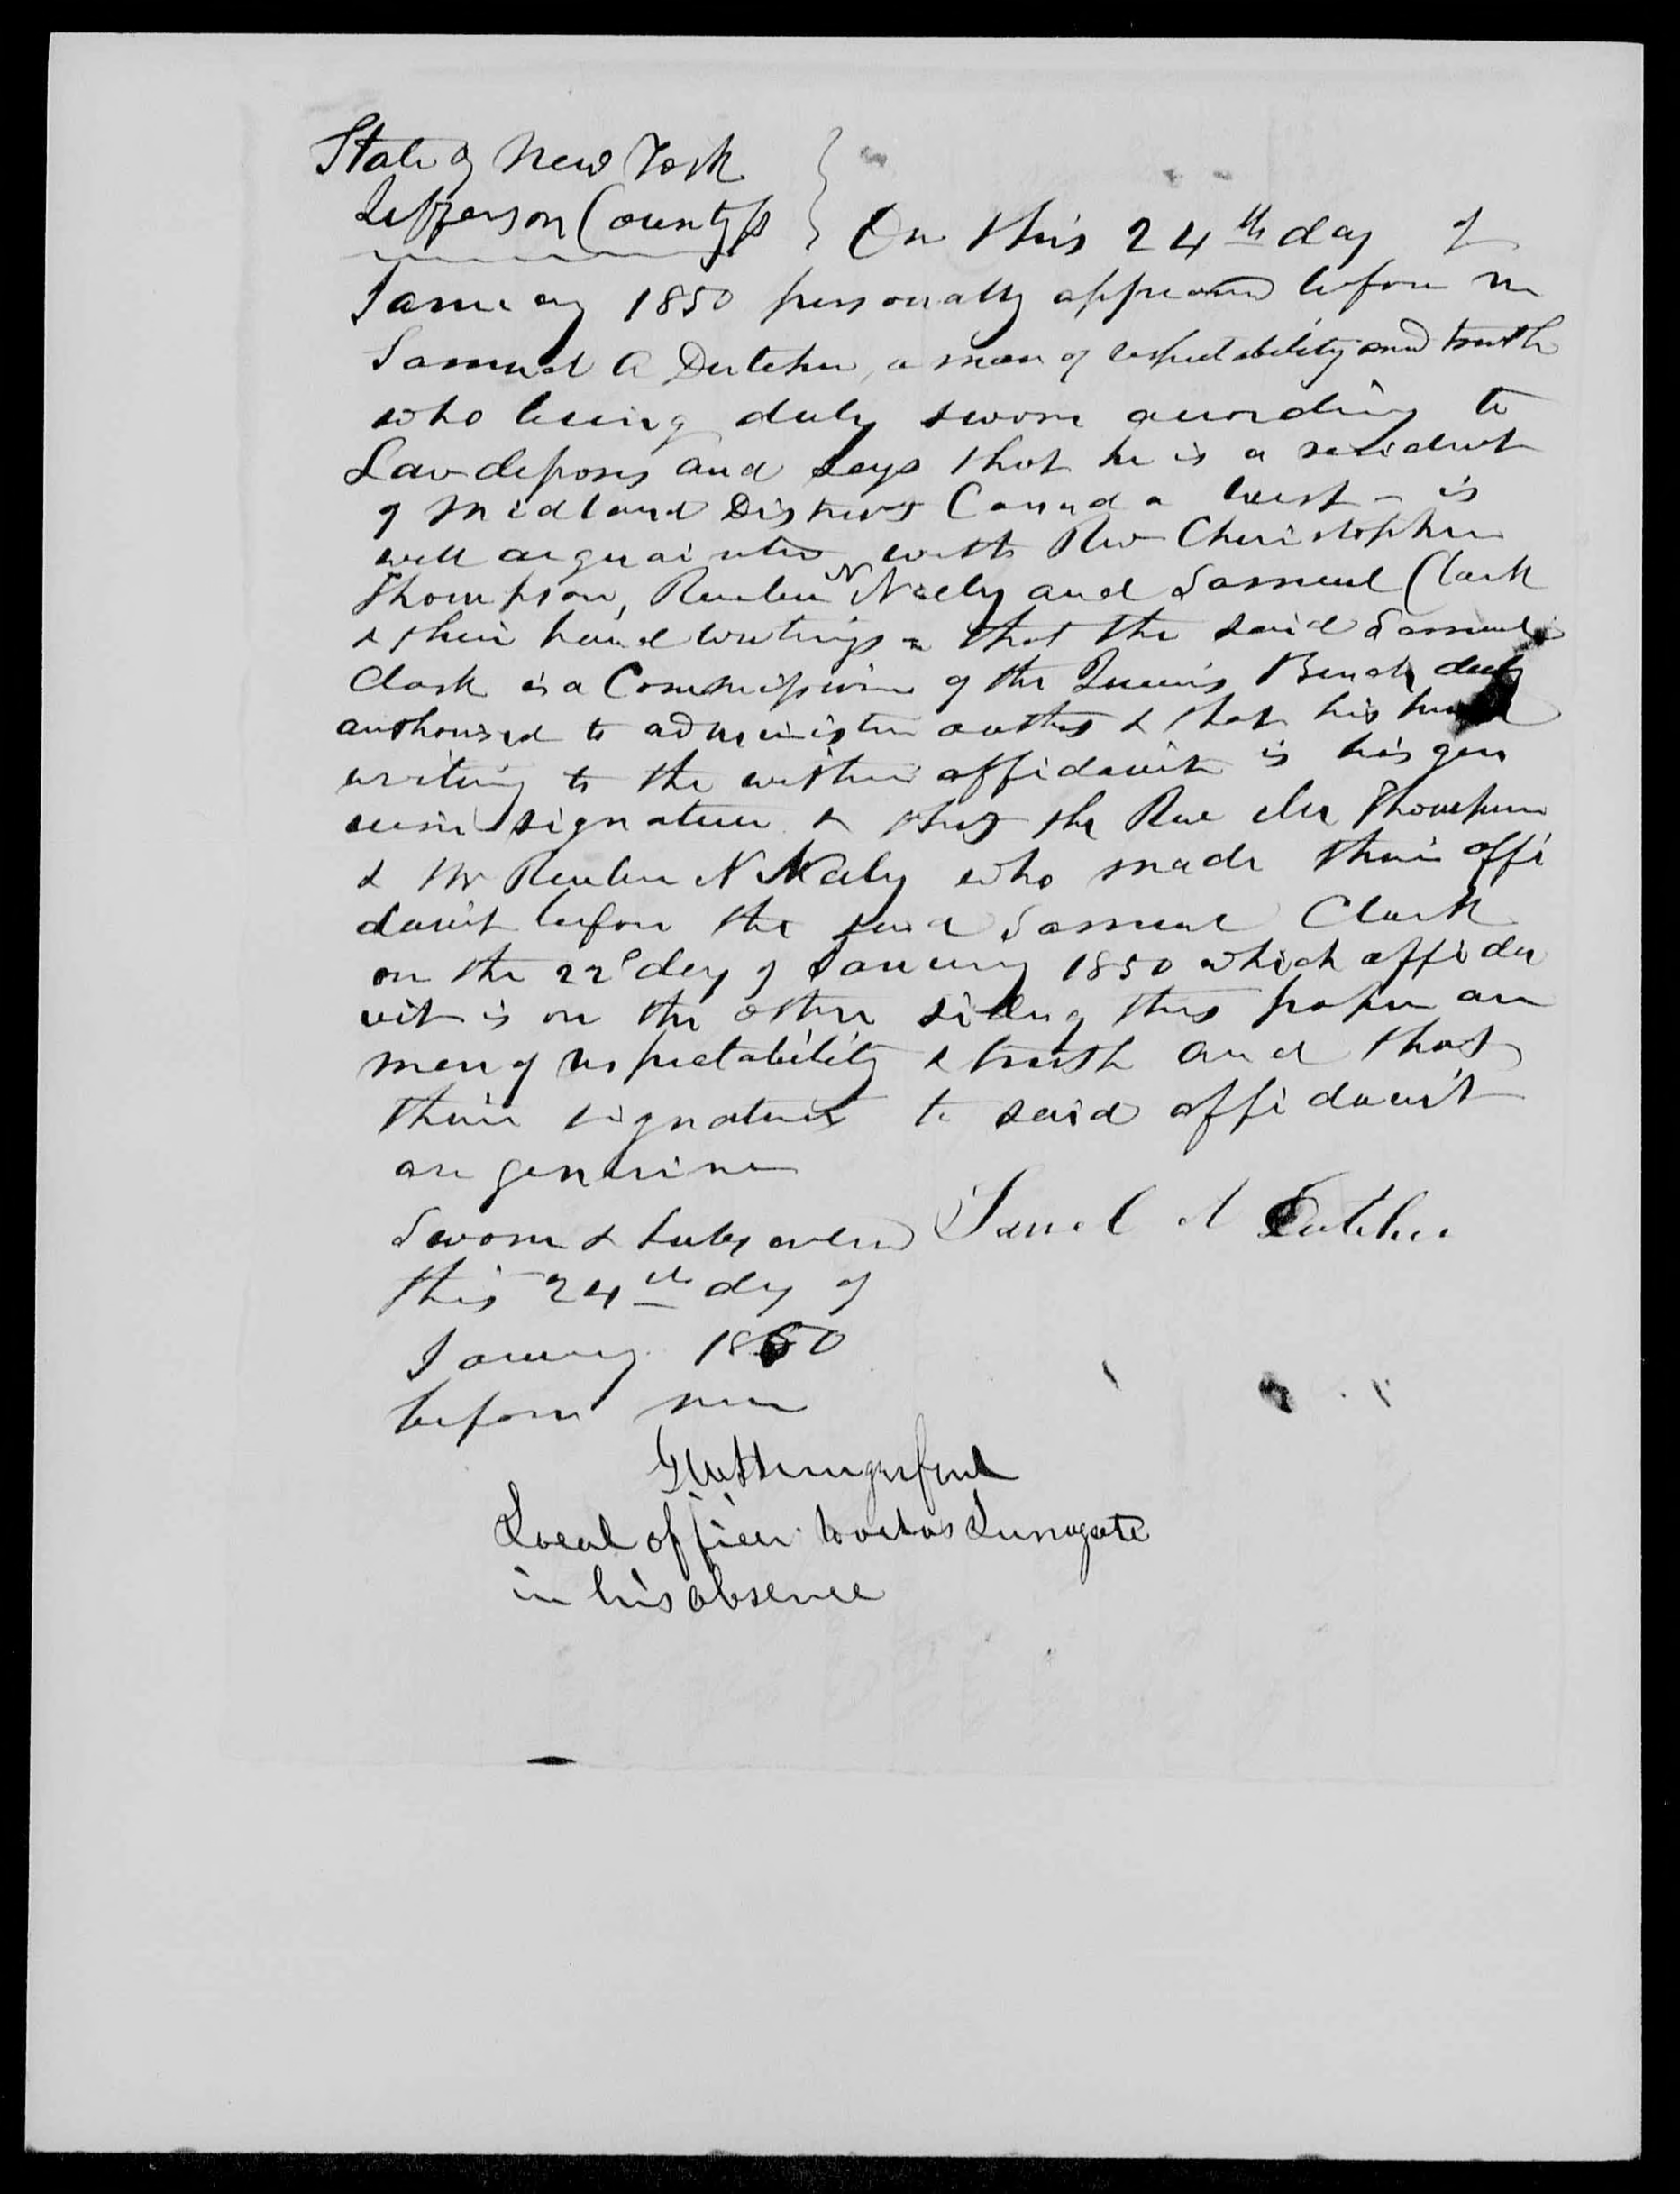State of New York
Jefferson County ss  )  On this 24th day of January 1850 personally appeared before me Samuel A Dutcher, a man of creditability and truth who being duly sworn according to Law deposes and Says that he is a resident of Midland District Canada West - is well acquainted with Rev Christopher Thompson, Reuben N Neely and Samuel Clark & their hand writings - that the said Samuel Clark is a Commissioner of the Queen's Bench duly authorized to administer oaths & that his hand writing to the within affidavit is his genuine signature & that the Rev Chr Thompson & Mr Reuben N Neely who made their affidavit before the said Samuel Clark on the 22d day of January 1850 which affidavit is on the other side of this paper are men of respectability & truth and that their signatures to said affidavit are genuine
Samuel A Dutcher
Sworn & subscribed
this 24th dy of
January 1850
before me
GW Hungerford
(?) officer to act as Surrogate
in his absence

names: Reuben N Neely, Christopher Thompson, Samuel A Dutcher, Samuel Clark, Reuben N Neely, Samuel Clark, Samuel Clark, Saml A Dutcher, G W Hungerford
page: 12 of 26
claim: rejected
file: R. 2001, Jonathan Clark, Conn.